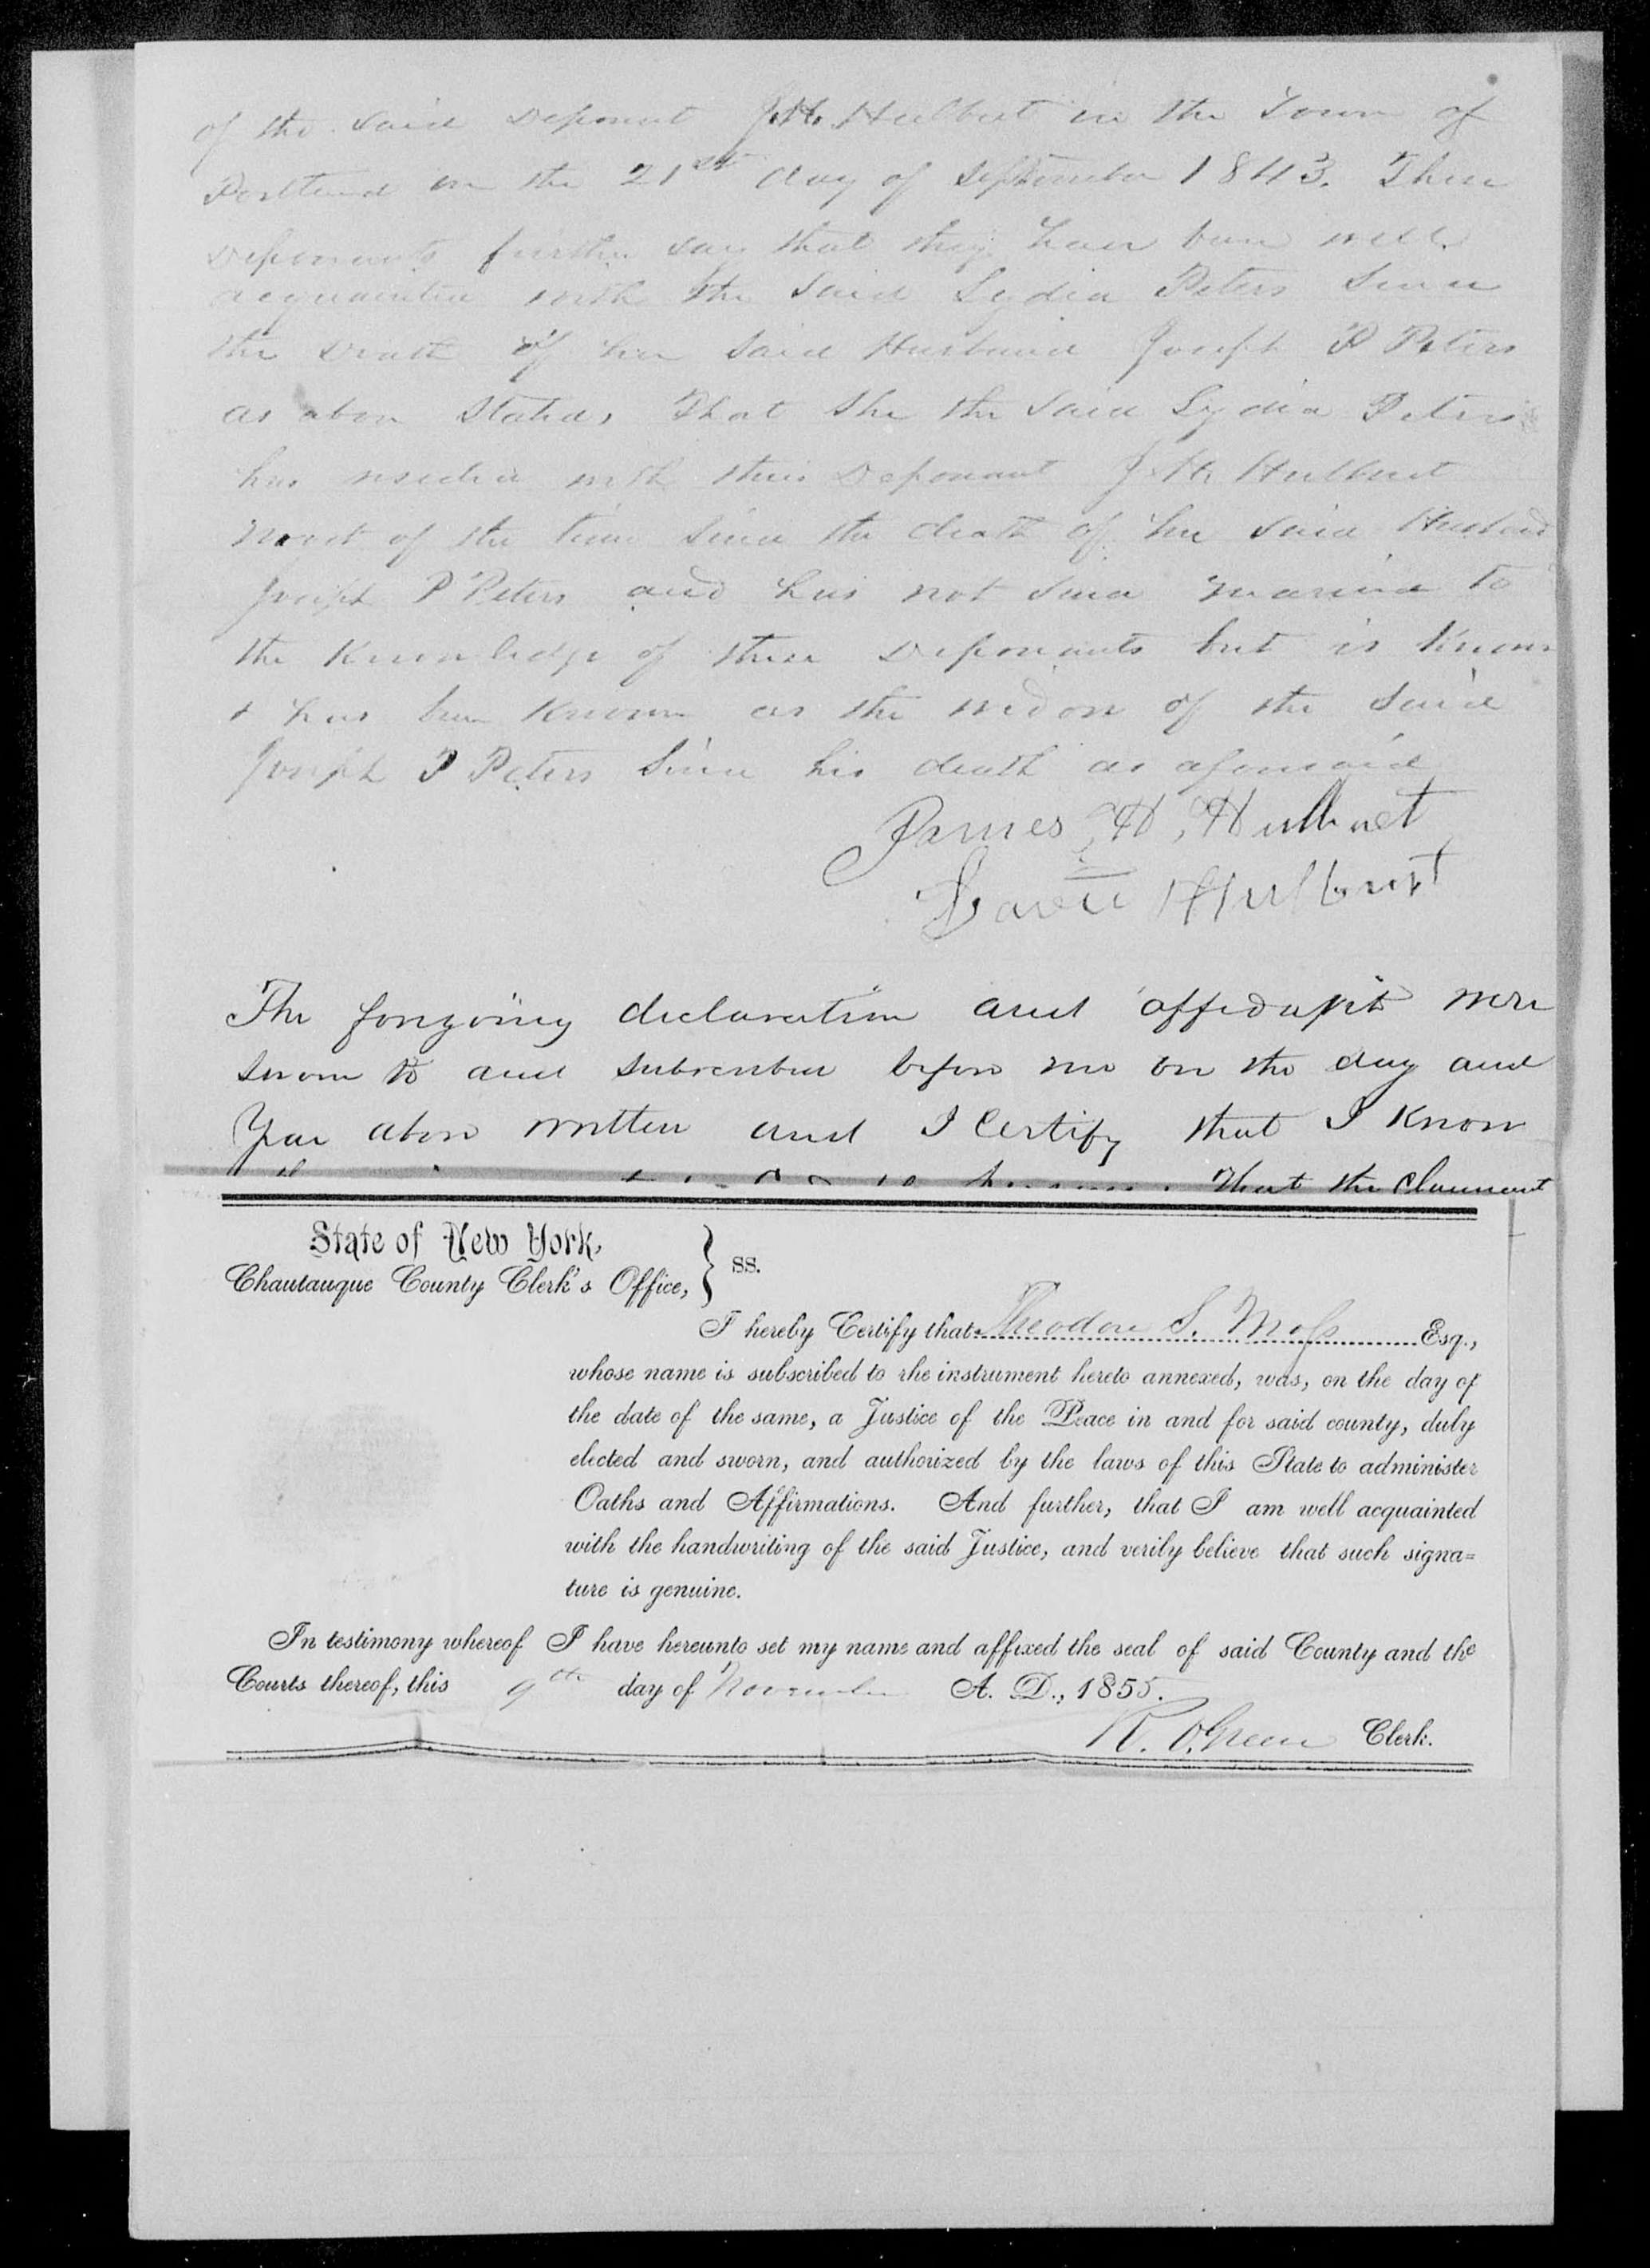of the said Deponent J H Hulbert in the Town of Portland on the 21st day of September 1843. There Deponants further say that they have been well acquainted with the said Lydia Peters since the death of her said Husband Joseph P Peters as above stated. That she the said Lydia Peters has resided with this Deponent J M Hulburt most of the time since the death of her said Husband Joseph P Peters and has not since married to the knowledge of these Deponants but is known & has been known as the widow of the said Joseph P Peters Since his death as aforesaid,   
James H. Hulburt 
David Hulburt 
The foregoing declaration and affidavit were Sworn to and subscribed before me on the day and year above written and I certify that I know 
State of New York 
Chautauqua County Clerk's Office } ss I hereby Certify that Theodore S. Moss Esq. whose name is subscribed to the instrument hereto annexed, was, on the day of the date of the same, a Justice of the Peace in and for said county, duly elected and sworn, and authorized by the laws of this State to administer Oaths and Affirmations. And further, that I am well acquainted with the handwriting of the said Justice, and verily believe that such signature is genuine. In testimony whereof I have hereunto set my name and affixed the seal of said County and the Courts thereof, this day of November A.D. 1856. 
R O Green Clerk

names: Joseph P Peters; Lydia Peters; James H Hulburt; R O Green; Theodore S Moss; David Hulburt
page: 24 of 73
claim: widow's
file: W. 2338, for Joseph P Peters, Connecticut